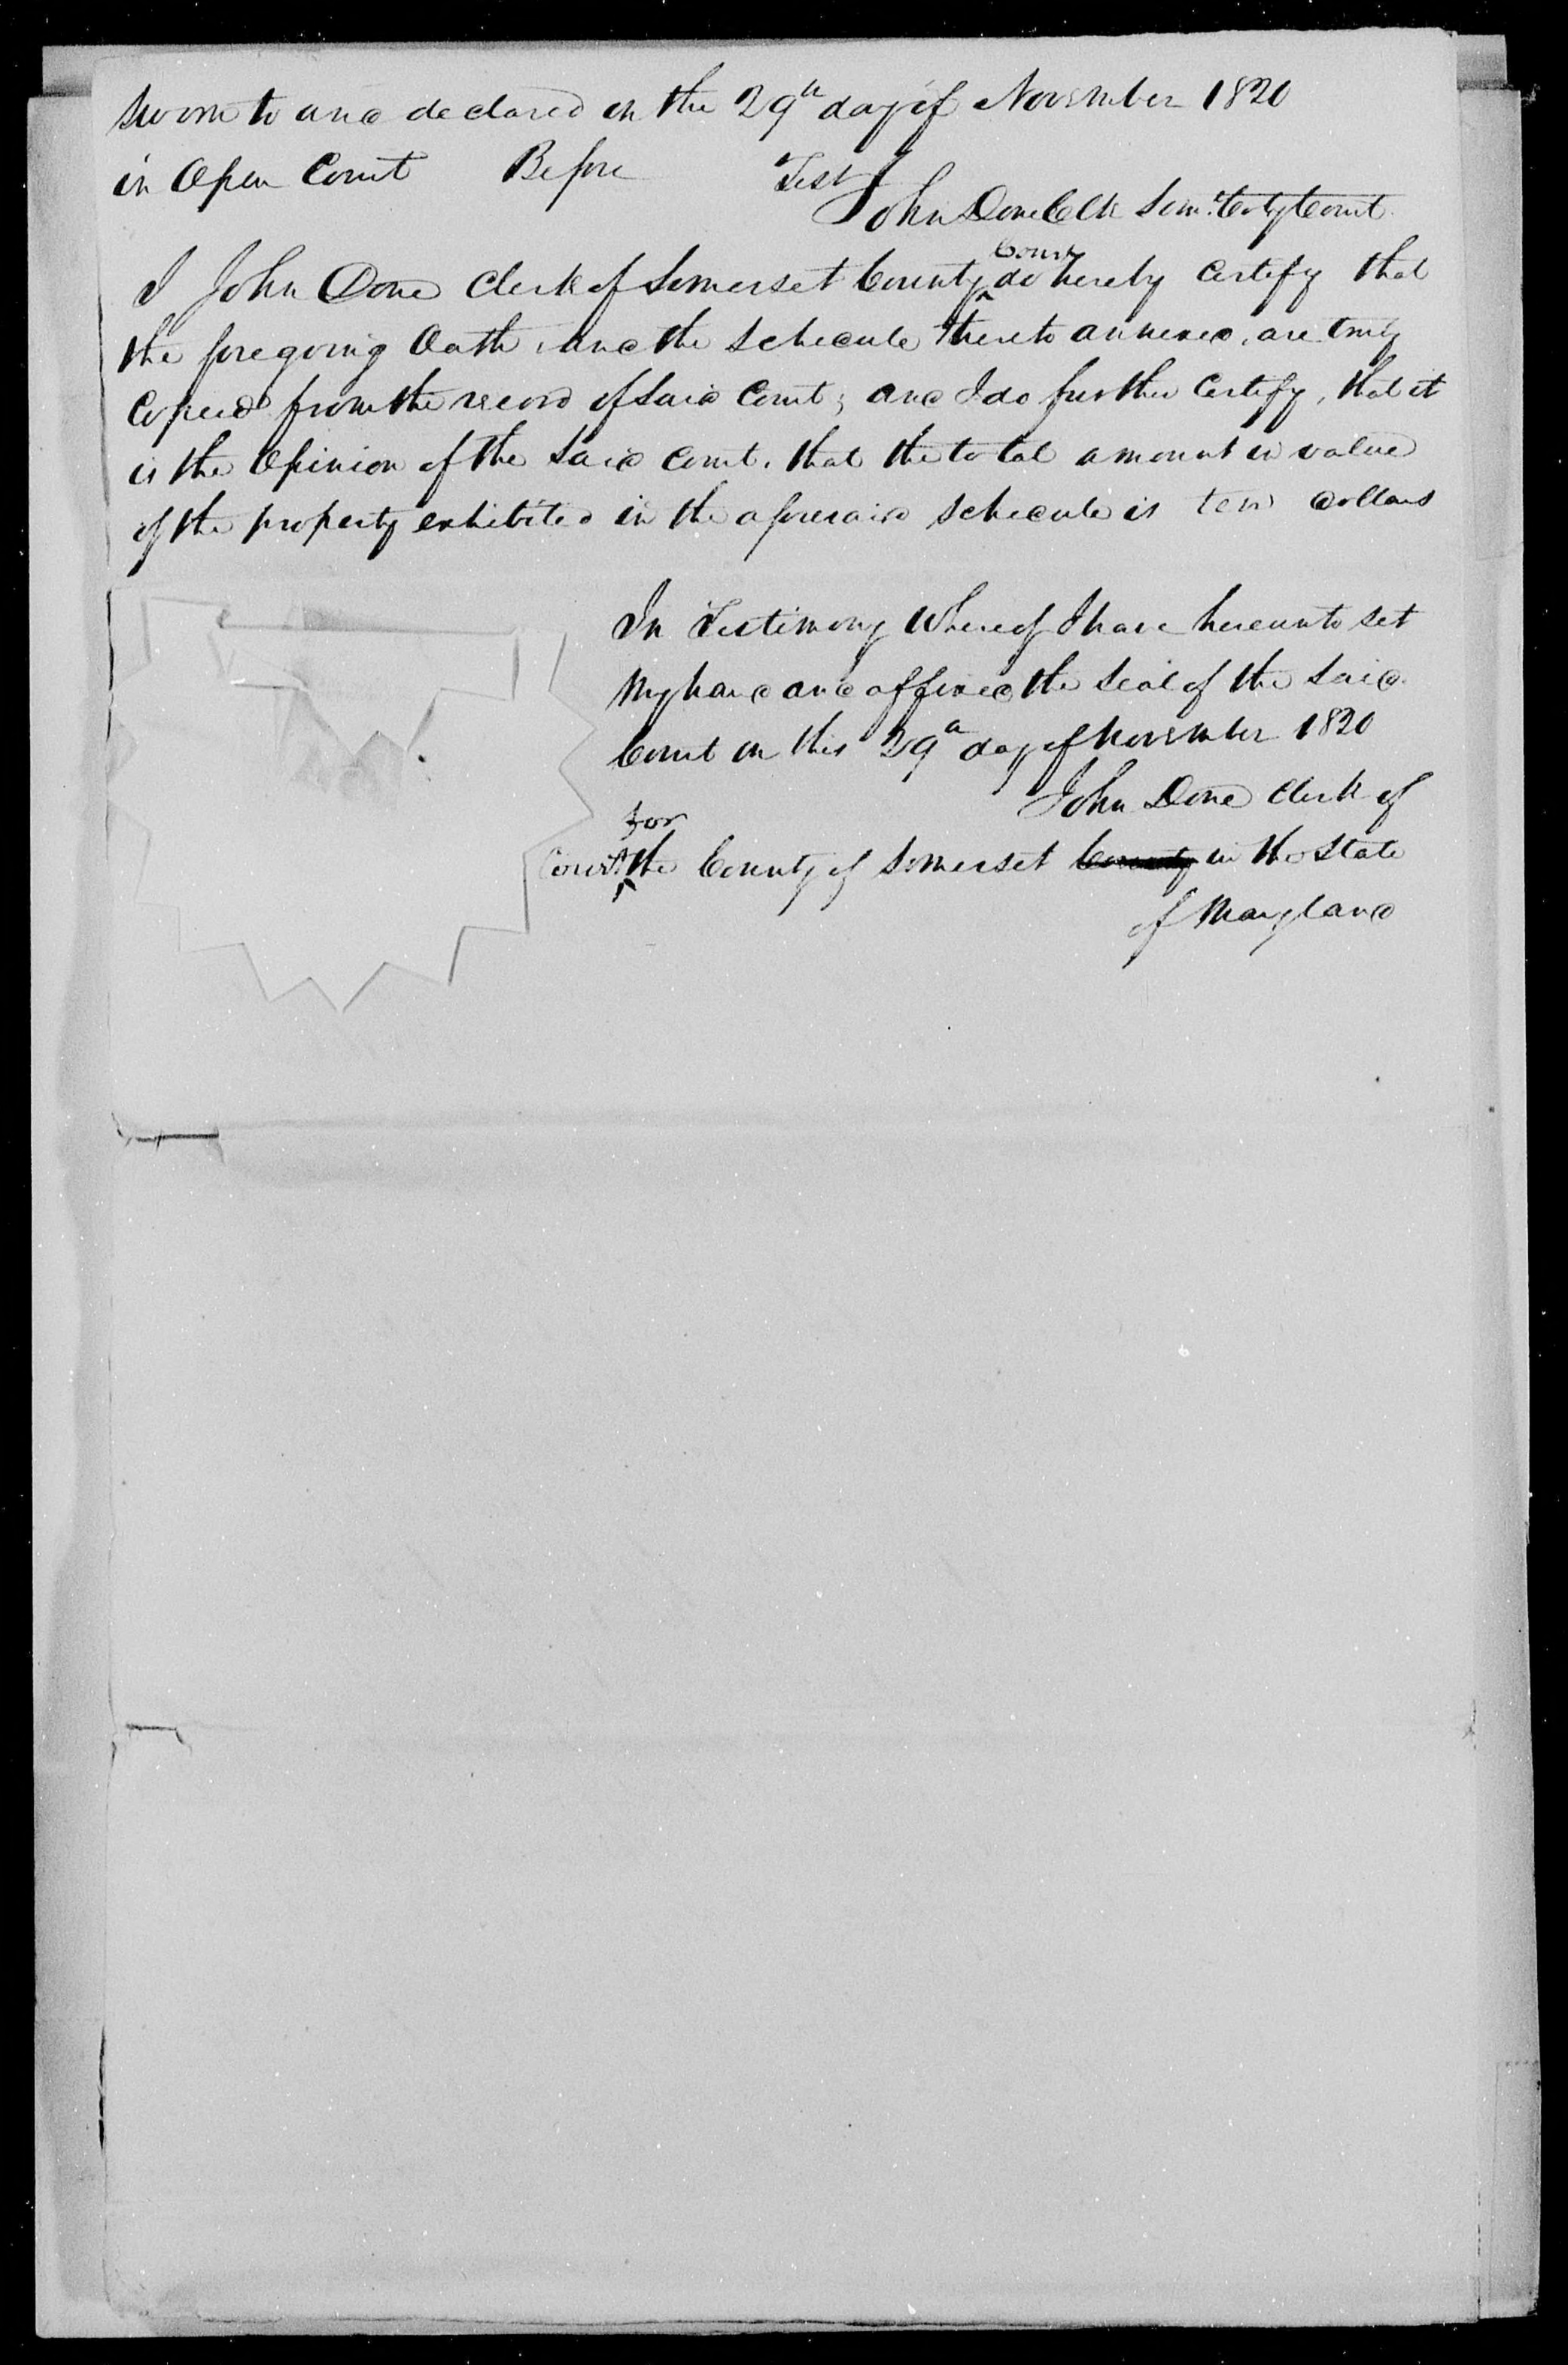Sworn to and declared on the 29th day of November 1820 in open court before
Test:
John Done Clerk Somerset County Court

I John Done clerk of Somerset County Court do hereby certify that the foregoing oath and the schedule thereto annexed are truly copied from the record of said court and I do further certify that it is the opinion of the said court that the total amount in value of the property exhibited in the aforesaid schedule is ten dollars.

In testimony whereof I have hereunto set my hand and affixed the seal of the said court on this 29th day of November 1820

John Done - Clerk of Court of the County of Somerset in the state of Maryland

SEAL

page: 7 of 15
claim: survivor's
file: S. 34946, for Cotter Jones, Maryland